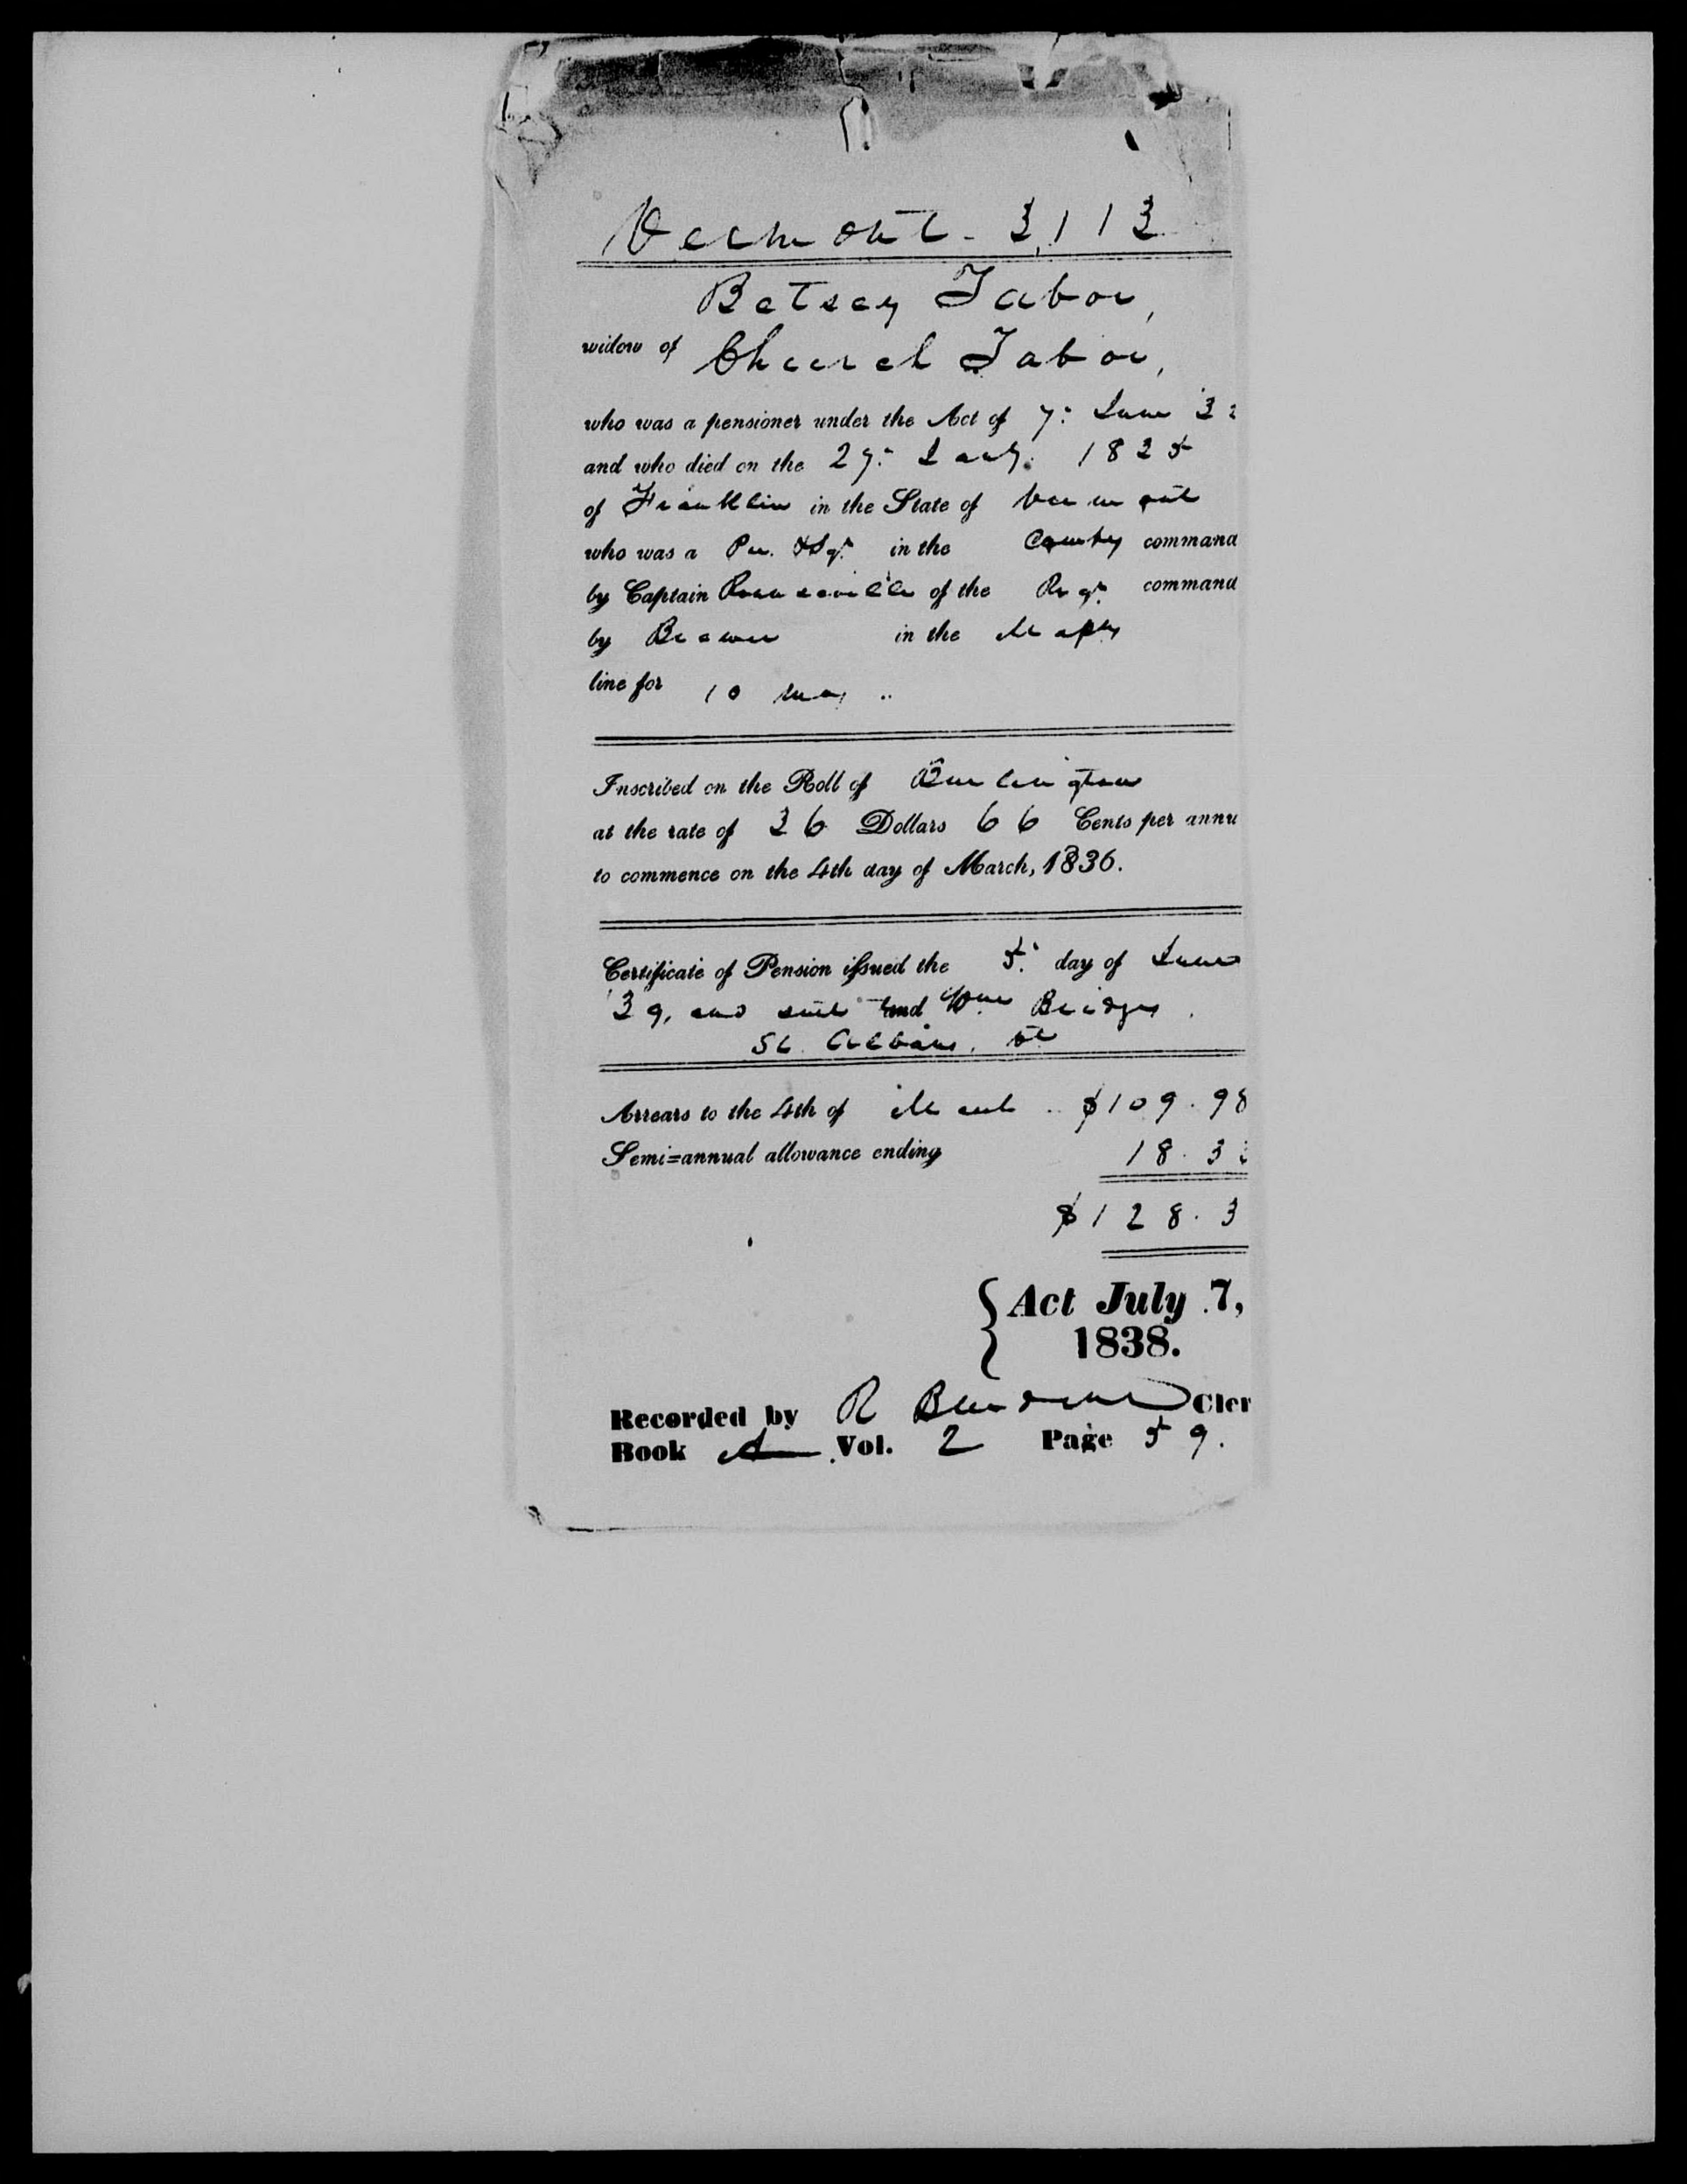Vermont 3113
Betsey Tabor
widow of Church Tabor who was a pensioner under the Act of 7th June 1832 and who died on the 17th Jan. 1835 of Franklin in the State of Vermont who was a pri & Sgt in the Company commanded by Captain Rounswell of the Regt. commanded by Brewer in the Mass line for 10 months

Inscribed on the Roll of Burlington at the rate of 36 Dollars 66 Cents per annum to commence on the 4th day of March, 1836

Certificate of Pension issued the 5 day of June '39 and sent to Wm. Bridges St. Albans Vt.

Arrears to the 4th March   $109.98
Semi-annual allowance ending   18.33
$128.31

{Act July 7, 1838}

Recorded by R. Baldwin Clerk
Book A. Vol. 2 page 59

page: 38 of 41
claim: widow's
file: W 26507, for Church Tabor, Massachusetts